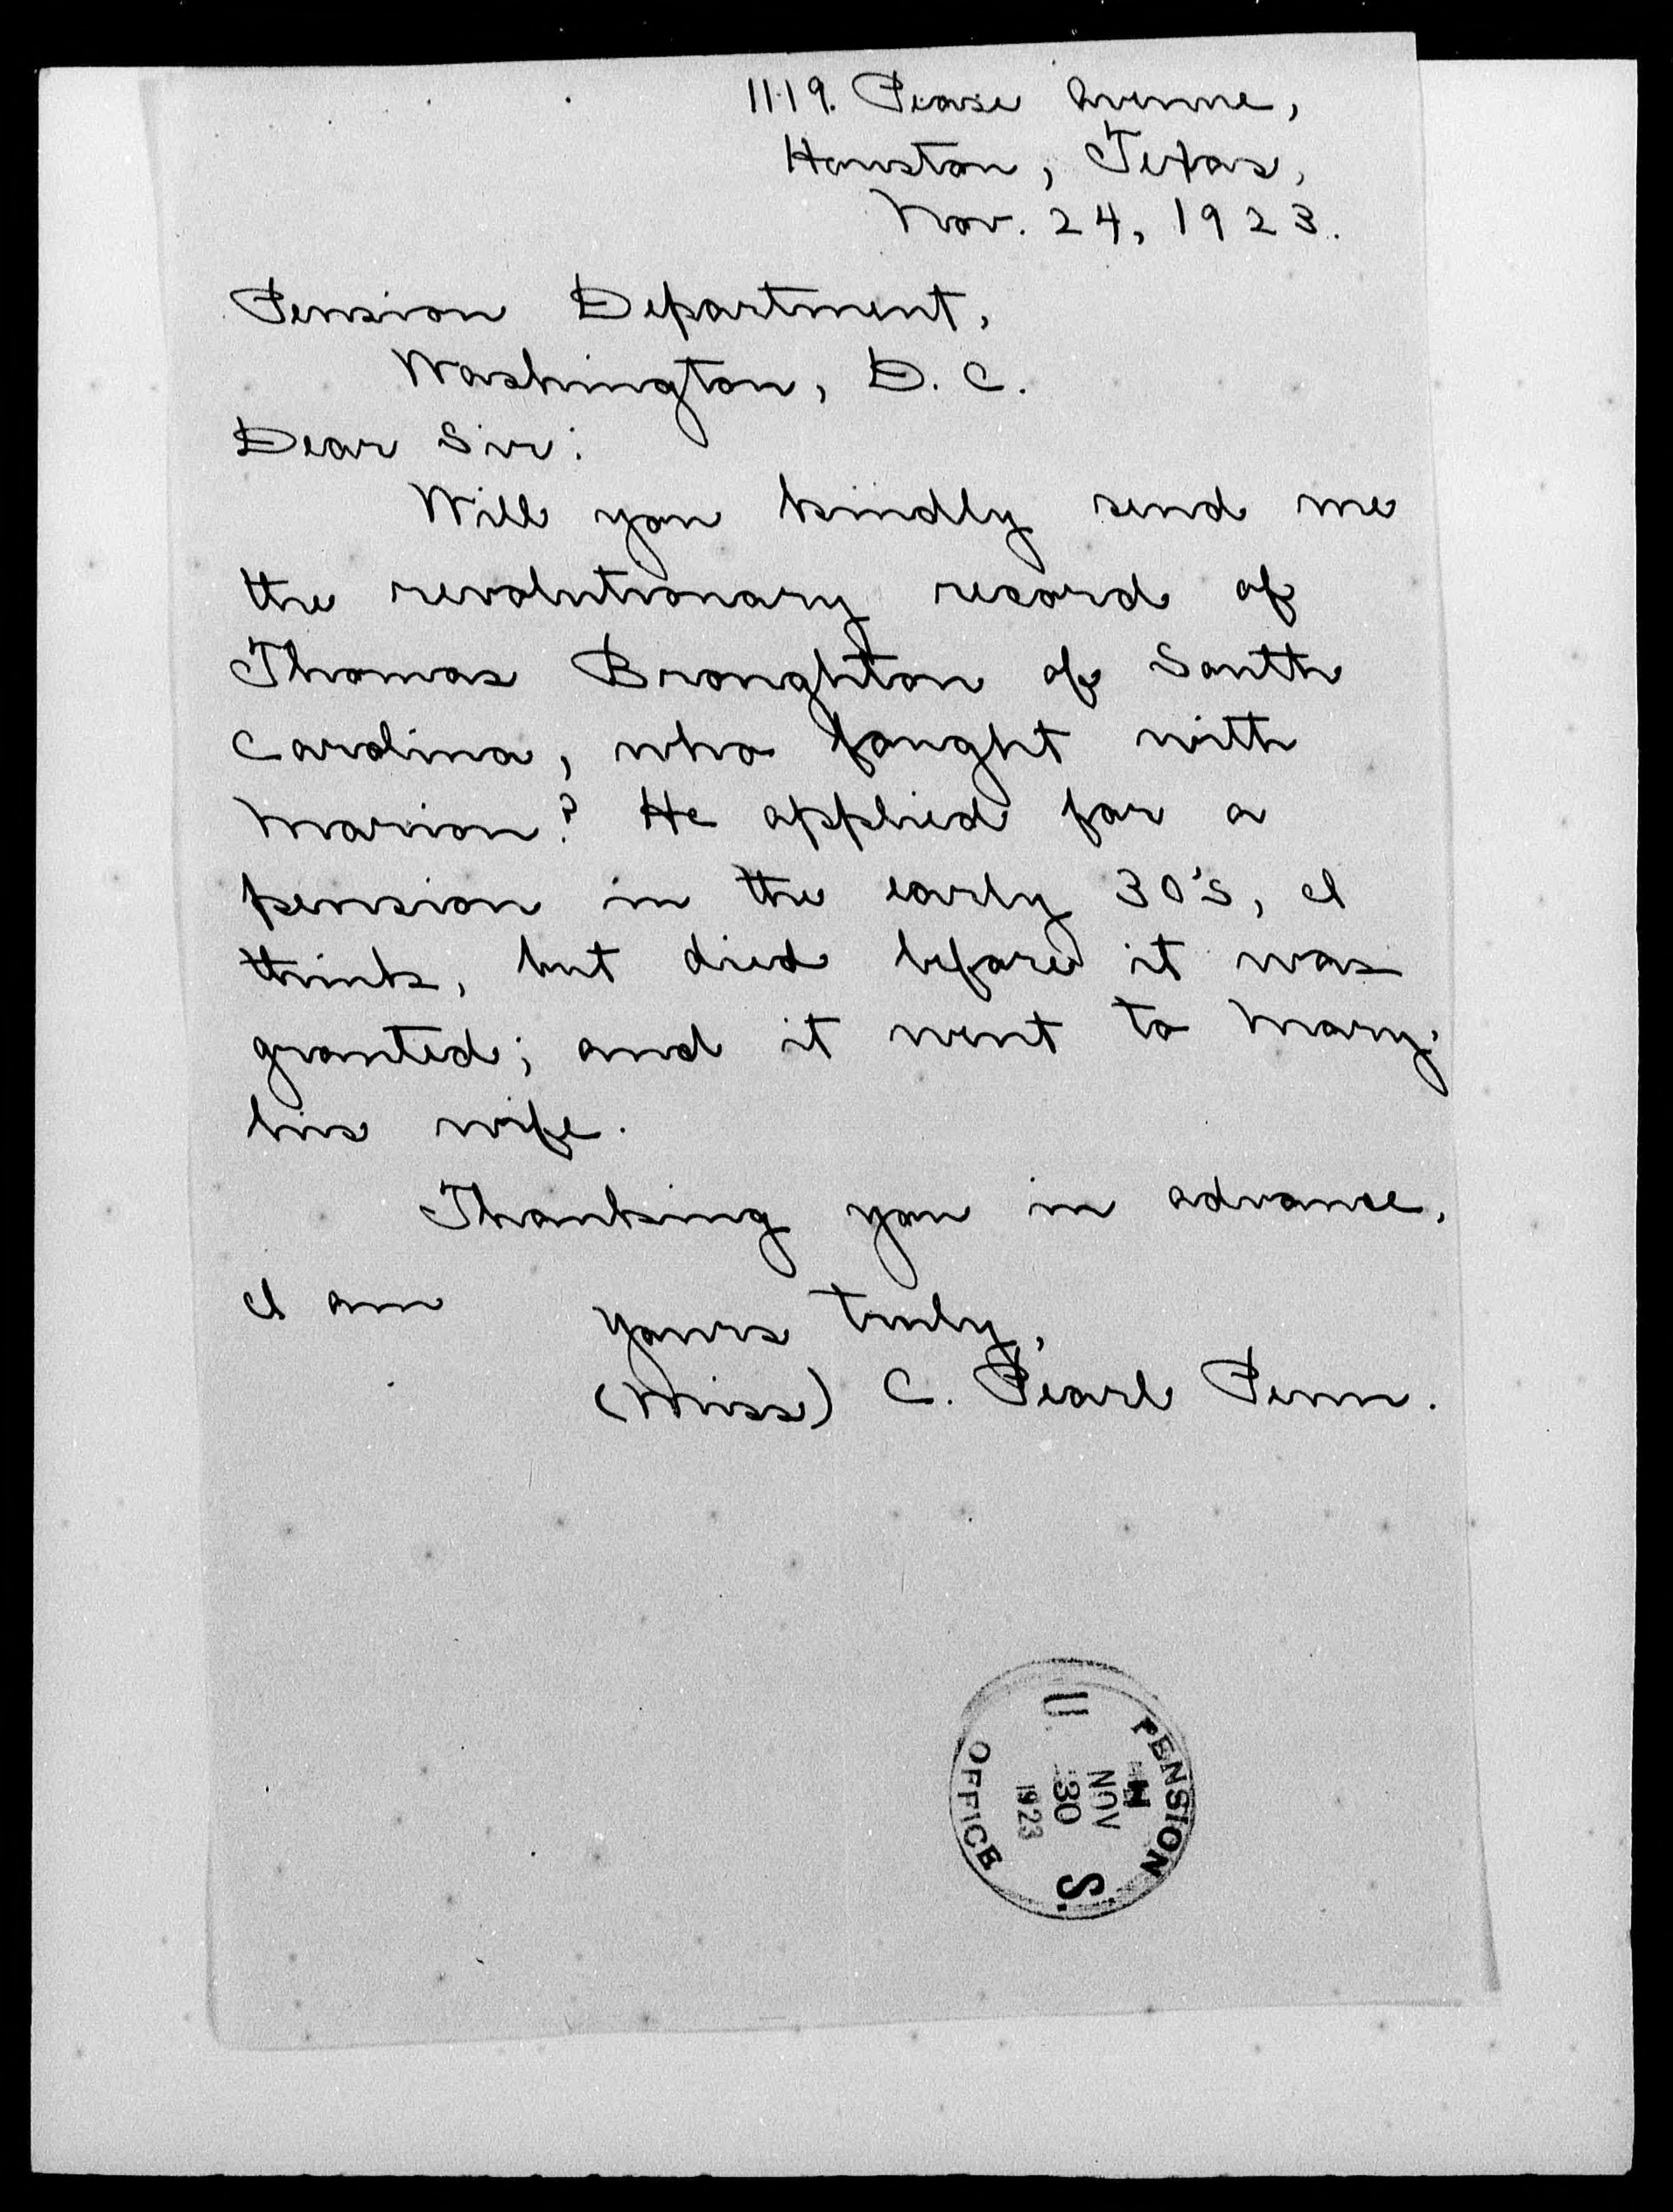1119. P[illegible] Avenue
Houston, Texas,
Nov. 24, 1923.

Pension Department,
Washington, D.C.

Dear Sir;

Will you kindly send me
the revolutionary record of
Thomas Broughton of South
Carolina, who fought with
Marion? He applied for a
pension in the early 30's, I
think,  but died before it was
granted; and it went to Mary,
his wife.

Thanking you in advance,
I am
Yours truly,
(Miss) C. Pearl Penn.

[stamp]
PENSION
N
NOV
30
1923
0FFICE
U.S.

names: C Pearl Penn, Marion, Thomas Broughton, Mary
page: 68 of 72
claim: widow's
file: W. 897, Thomas Broughton, S.C.